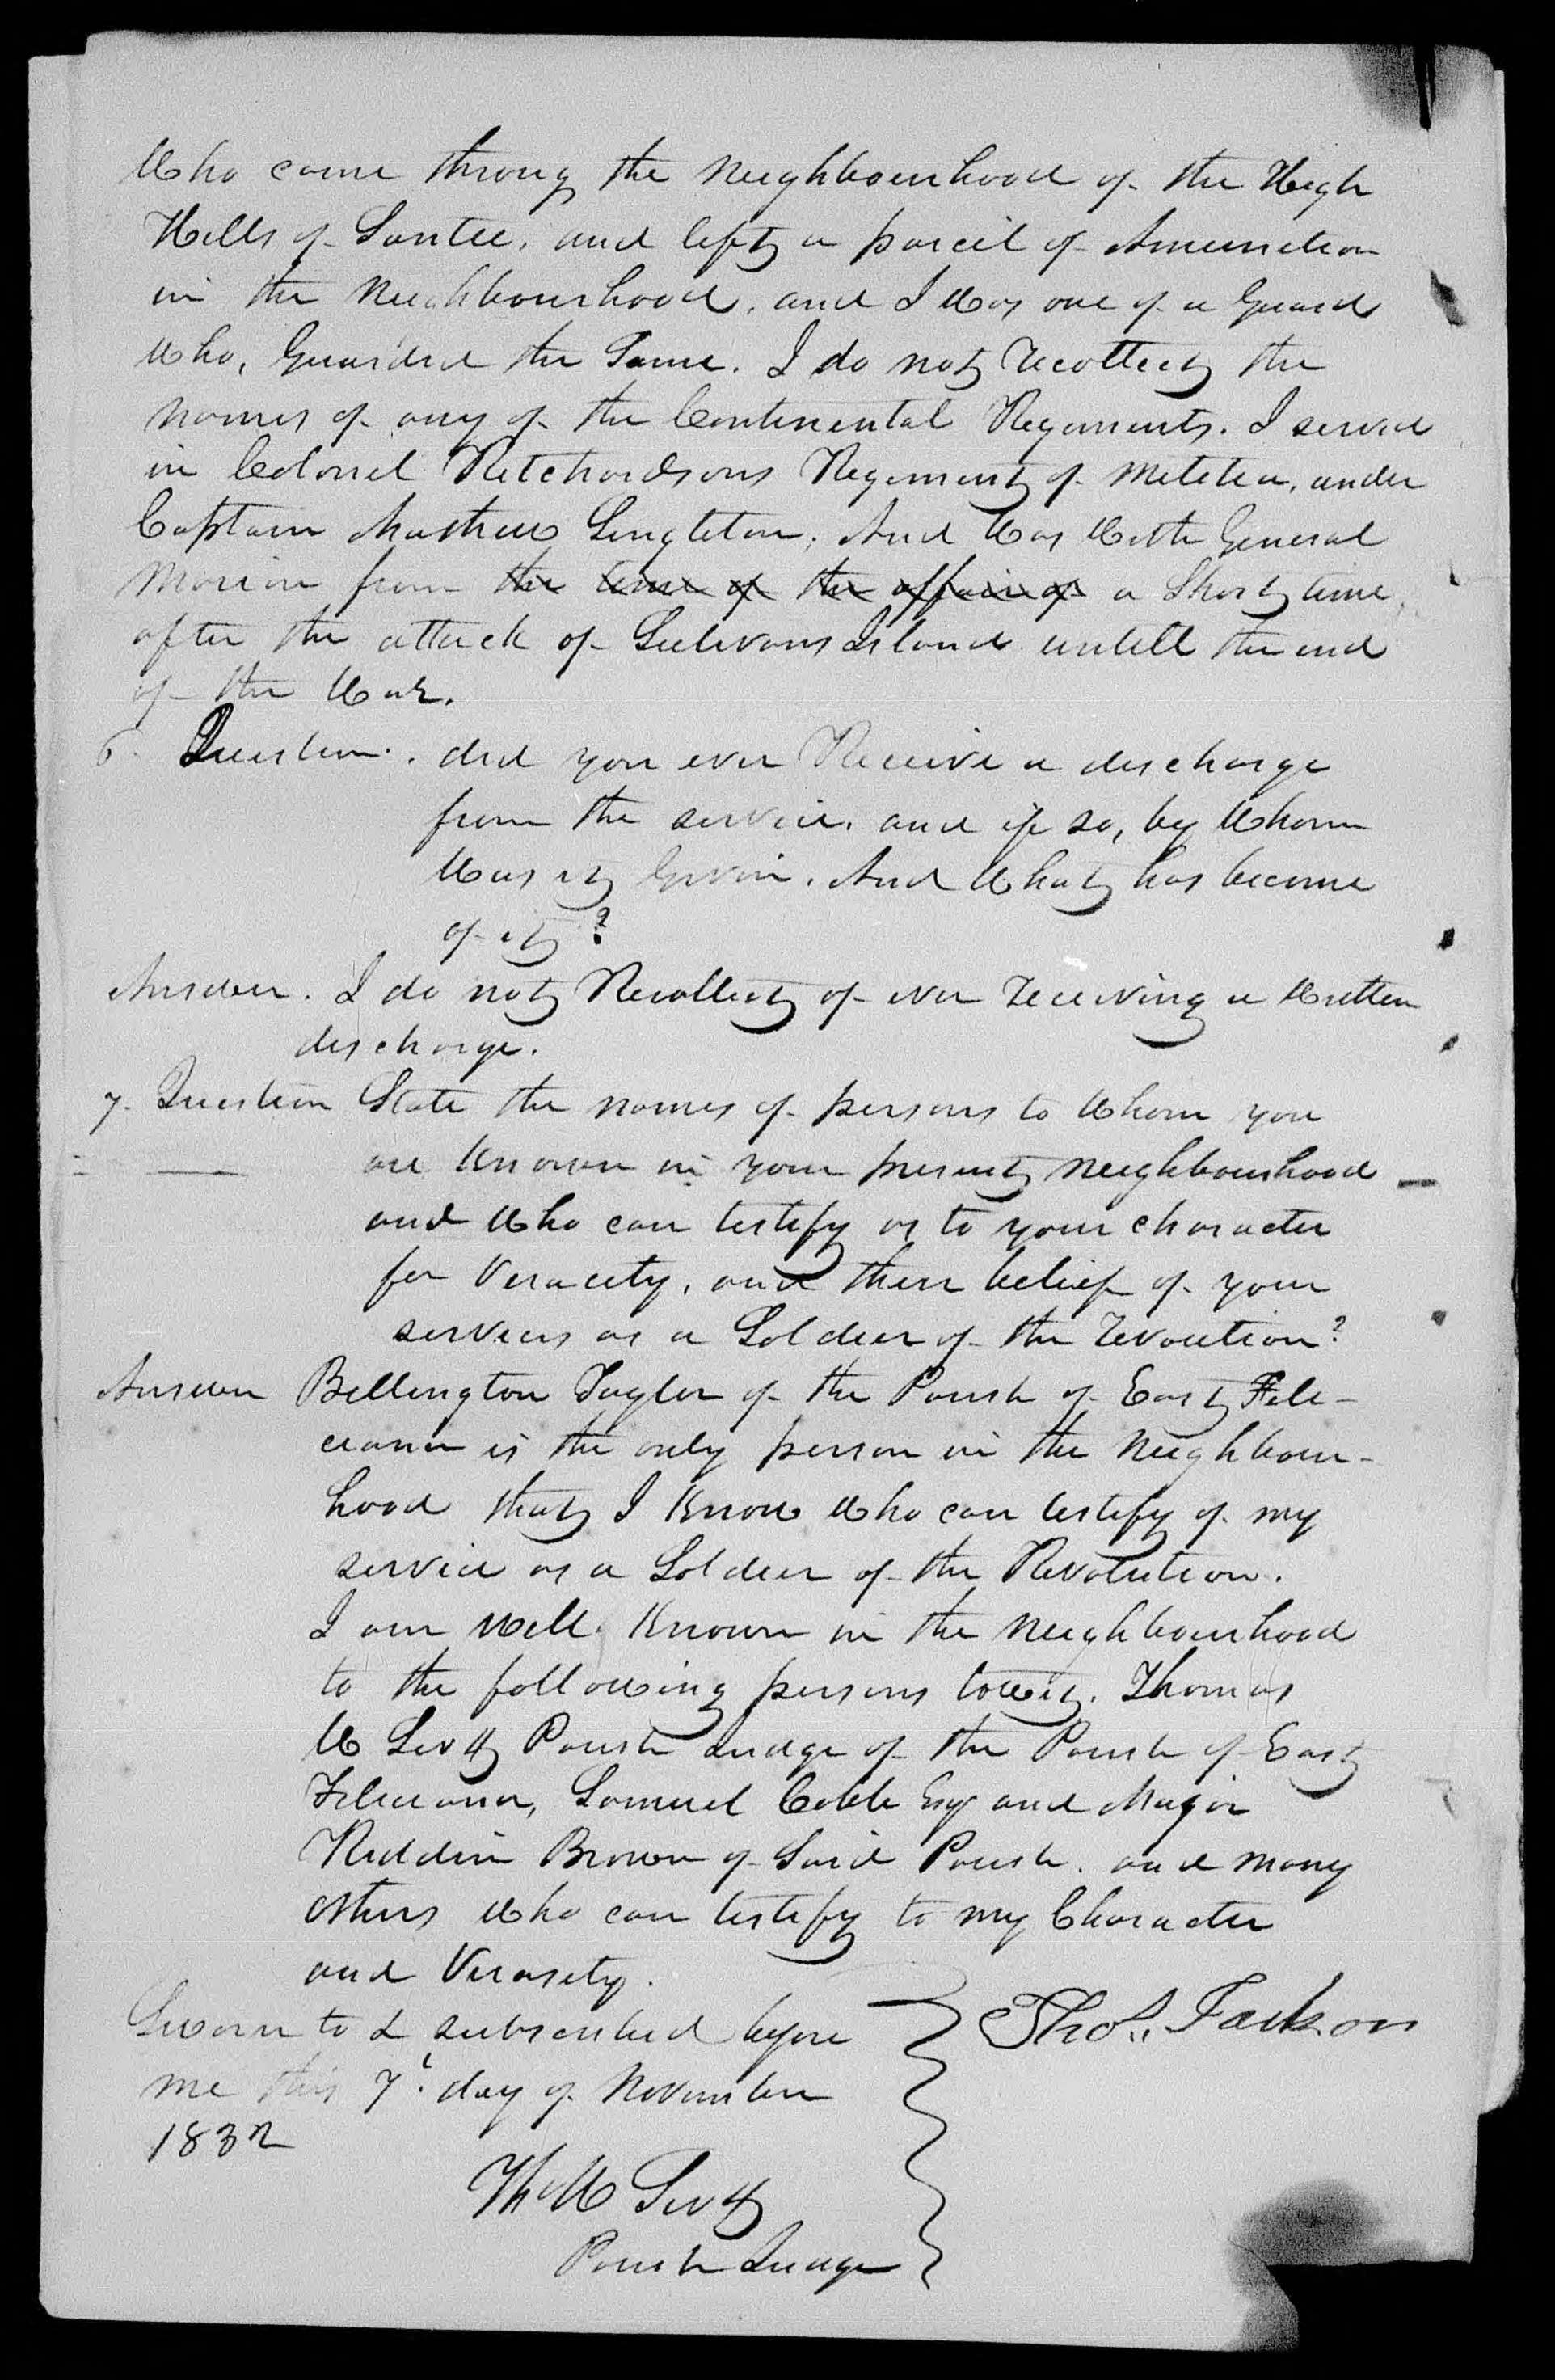Who came throug the neighbourhood of the High
Hills of Santee, and left a parcel of amunition
in the neighbourhood, and I was one of a guard
who, guarded the same. I do not recollect the
names of any of the Continental Regiments. I served
in Colonel Richardsons Regiment of Militia, under
Captain Nathan Singleton, and was with General
Marion from  a Short time
after the attack of Sulivans Island untill the and
of the War.
6 Question. Did you ever receive a discharge
from the service, and if so, by whom
was it given. And what has become
of it?
   Answer. I do not recollect of ever receiving a written
discharge.
7. Question State the names of persons to whom you
are known in your present neighbourhood
and who can testify as to your character
for veracity, and their belief of your
services as a Soldier of the Revoution?
   Answer Billington Taylor of the Parish of 
East Feliciana is the only person in the neighborhood 
that I know, who can testify of my
service as a soldier of the Revolution.
I am well known in the neighbourhood
to the following persons to wit, Thomas
Levy Parish Judge of the Parish of
East Feliciana, Samuel Cobb Esq and Major
Reddin Brown of Said parish and many
others who can testify to my character
and veracity.
Thos Jackson

Sworn to & subscribed before )
me this 7th day of November )
1832 )
Tho. W. Levy )
Parish judge )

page: 7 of 54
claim: survivor's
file: S. 31166, for Thomas Jackson, South Carolina